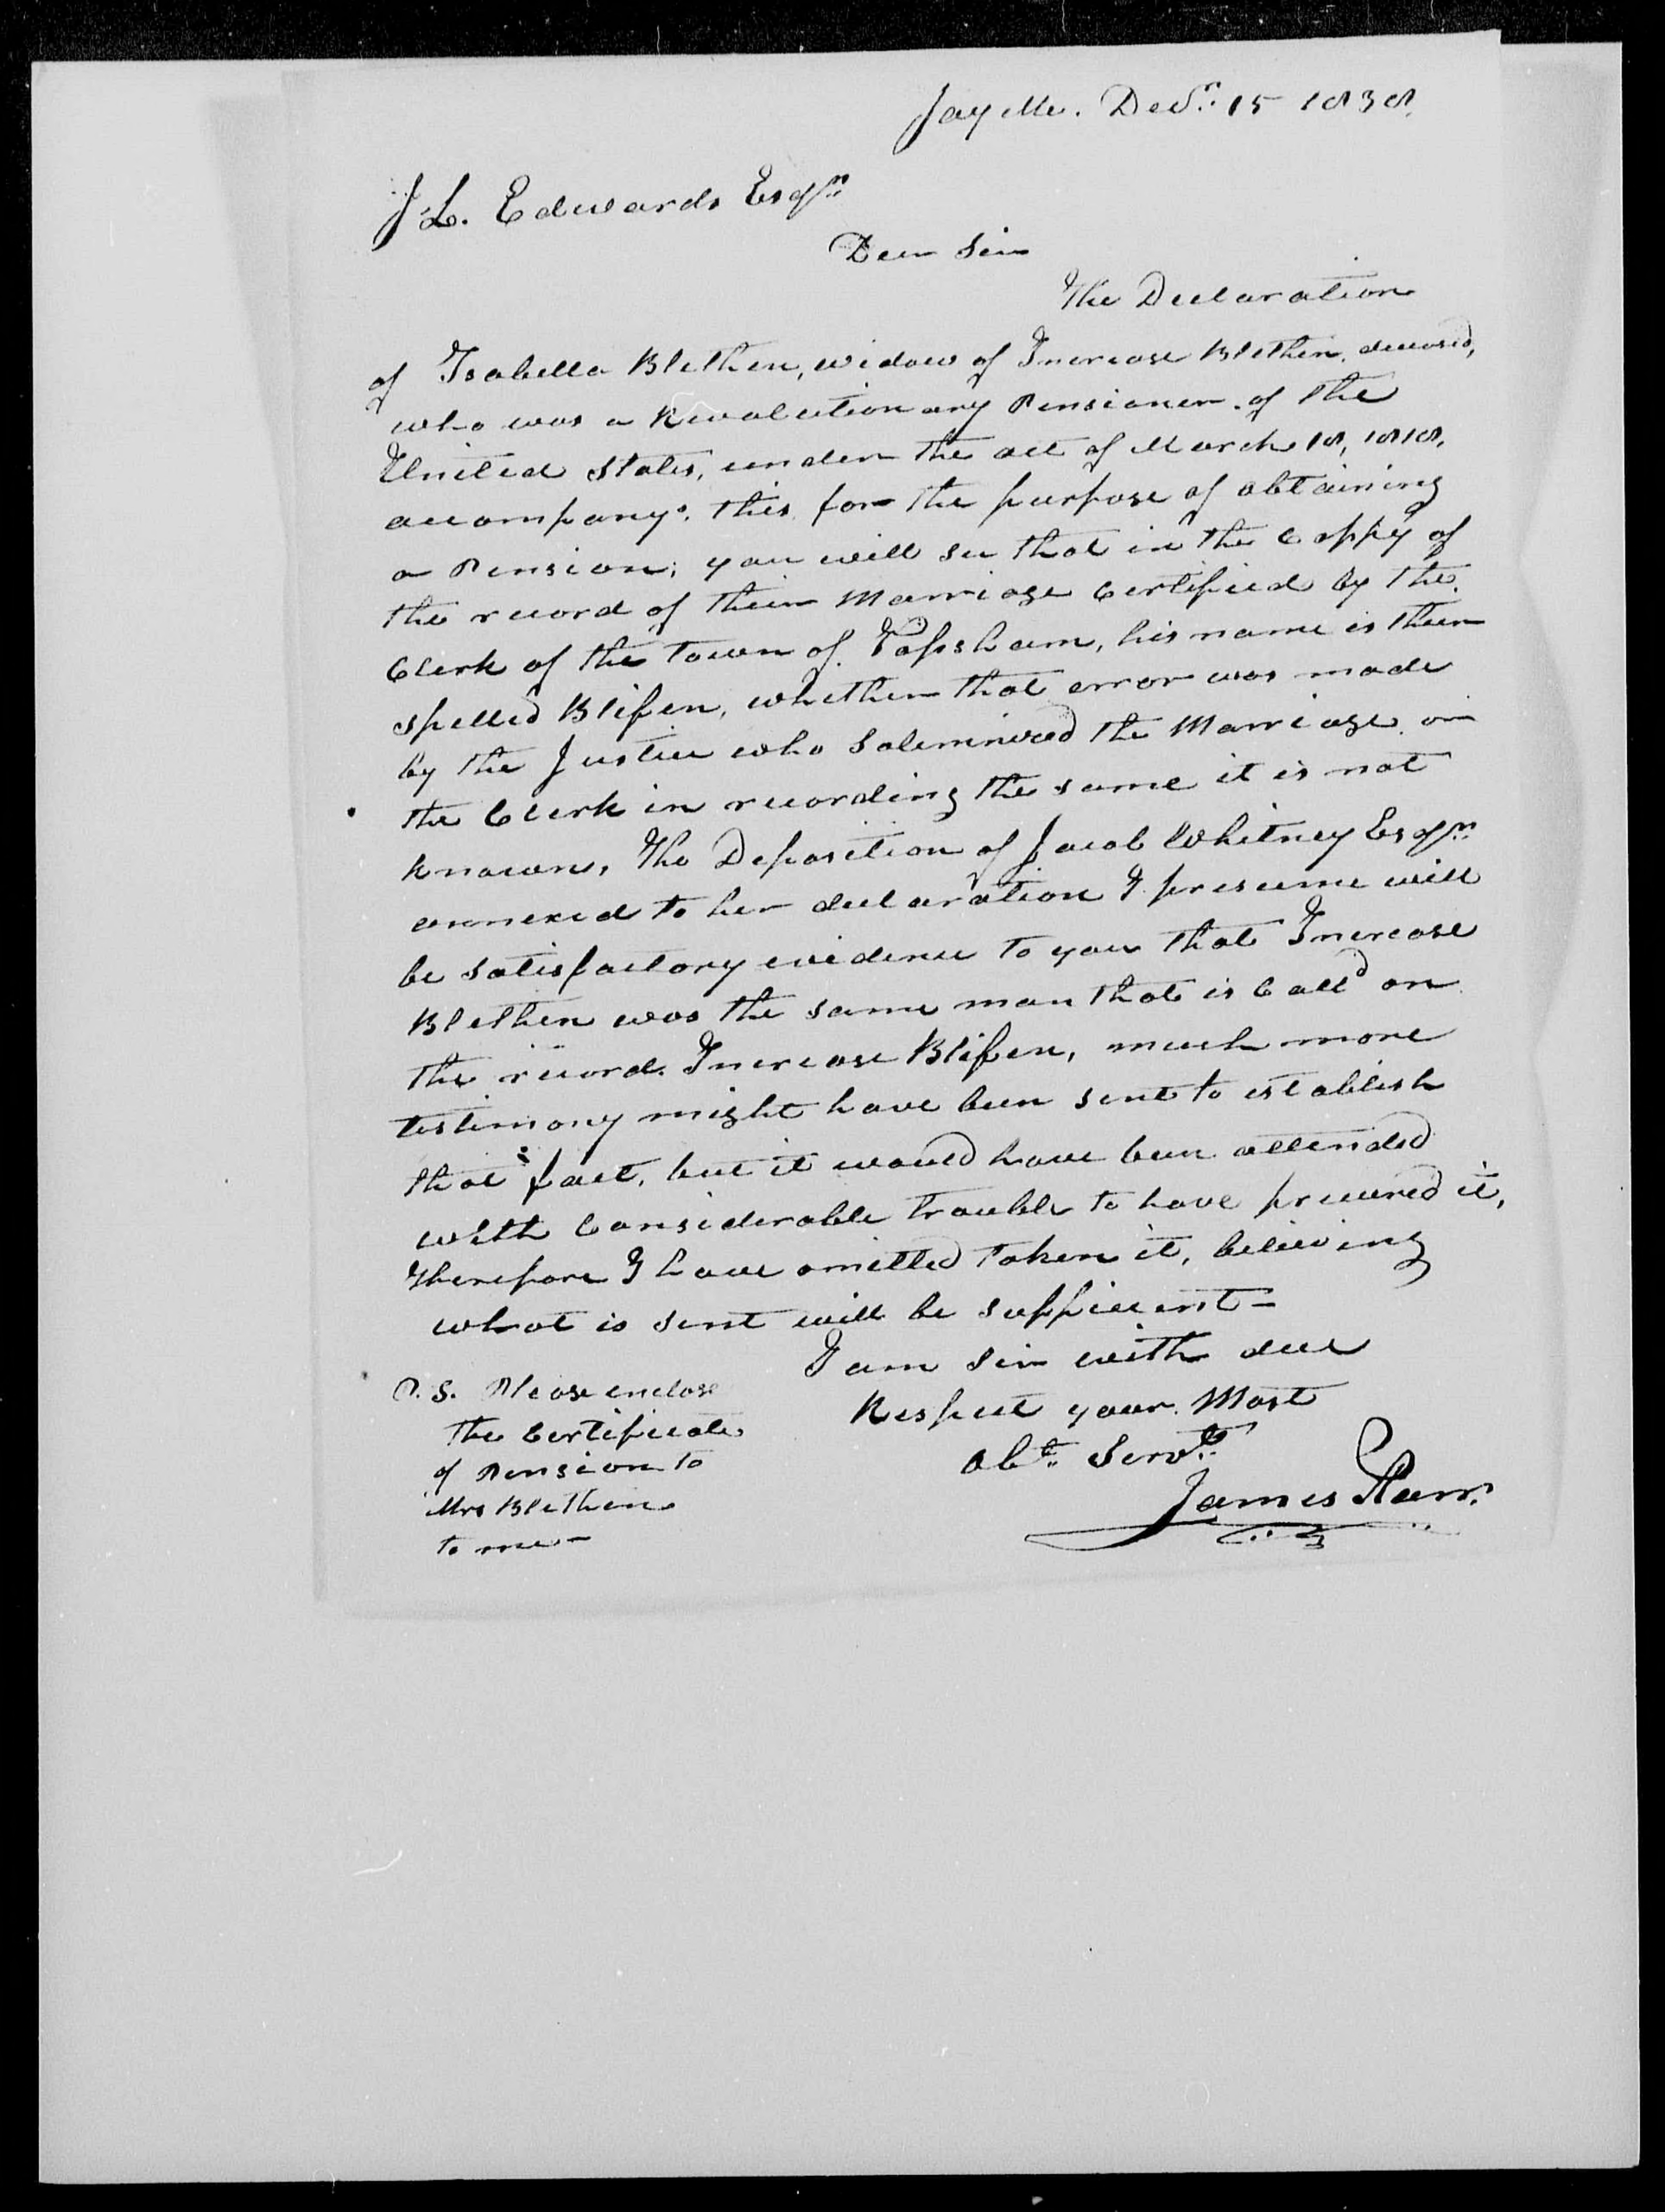Jay Me. Decr. 15 1838

J.L. Edwards Esqr.
Dear Sir
The Declaration
of Isabella Blethen, widow of Increase Blethen, deceased,
who was a Revolutionary Pensioner of the
United States under the act of March 18, 1818
accompanys this for the purpose of obtaining
a Pension; you will see that in the copy of
the record of their Marriage certified by the
Clerk of the Town of Topsham, his name is there
spelled Blifen, written that error was made
by the Justice who solemnized the Marriage on
the Clerk in recording the same it is not
known. The Deposition of Jacob Whitney Esq
annexed to her declaration & presume will
be satisfactory evidence to you that Increase
Blethen was the same man that is call'd on
the record Increase Blifen, much more
testimony might have been sent to establish
that fact, but it would have been attended
with considerable trouble to have previewed  it.
Therefore I have omitted taken it, believing
what is sent will be sufficient.
I am sir with due
Respect your Most
obt. Servt. [Obedient Servant]
James Starr

P.S. Please enclose
the Certificate
of Pension to
Mrs. Blethens
to me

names: James Starr, Increase Blethen, Isabella Blethen, J L Edwards, Blethen, Increase Blifen, Increase Blethen, Jacob Whitney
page: 27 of 39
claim: widow's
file: W. 23,621, Increase Blethen, Mass.